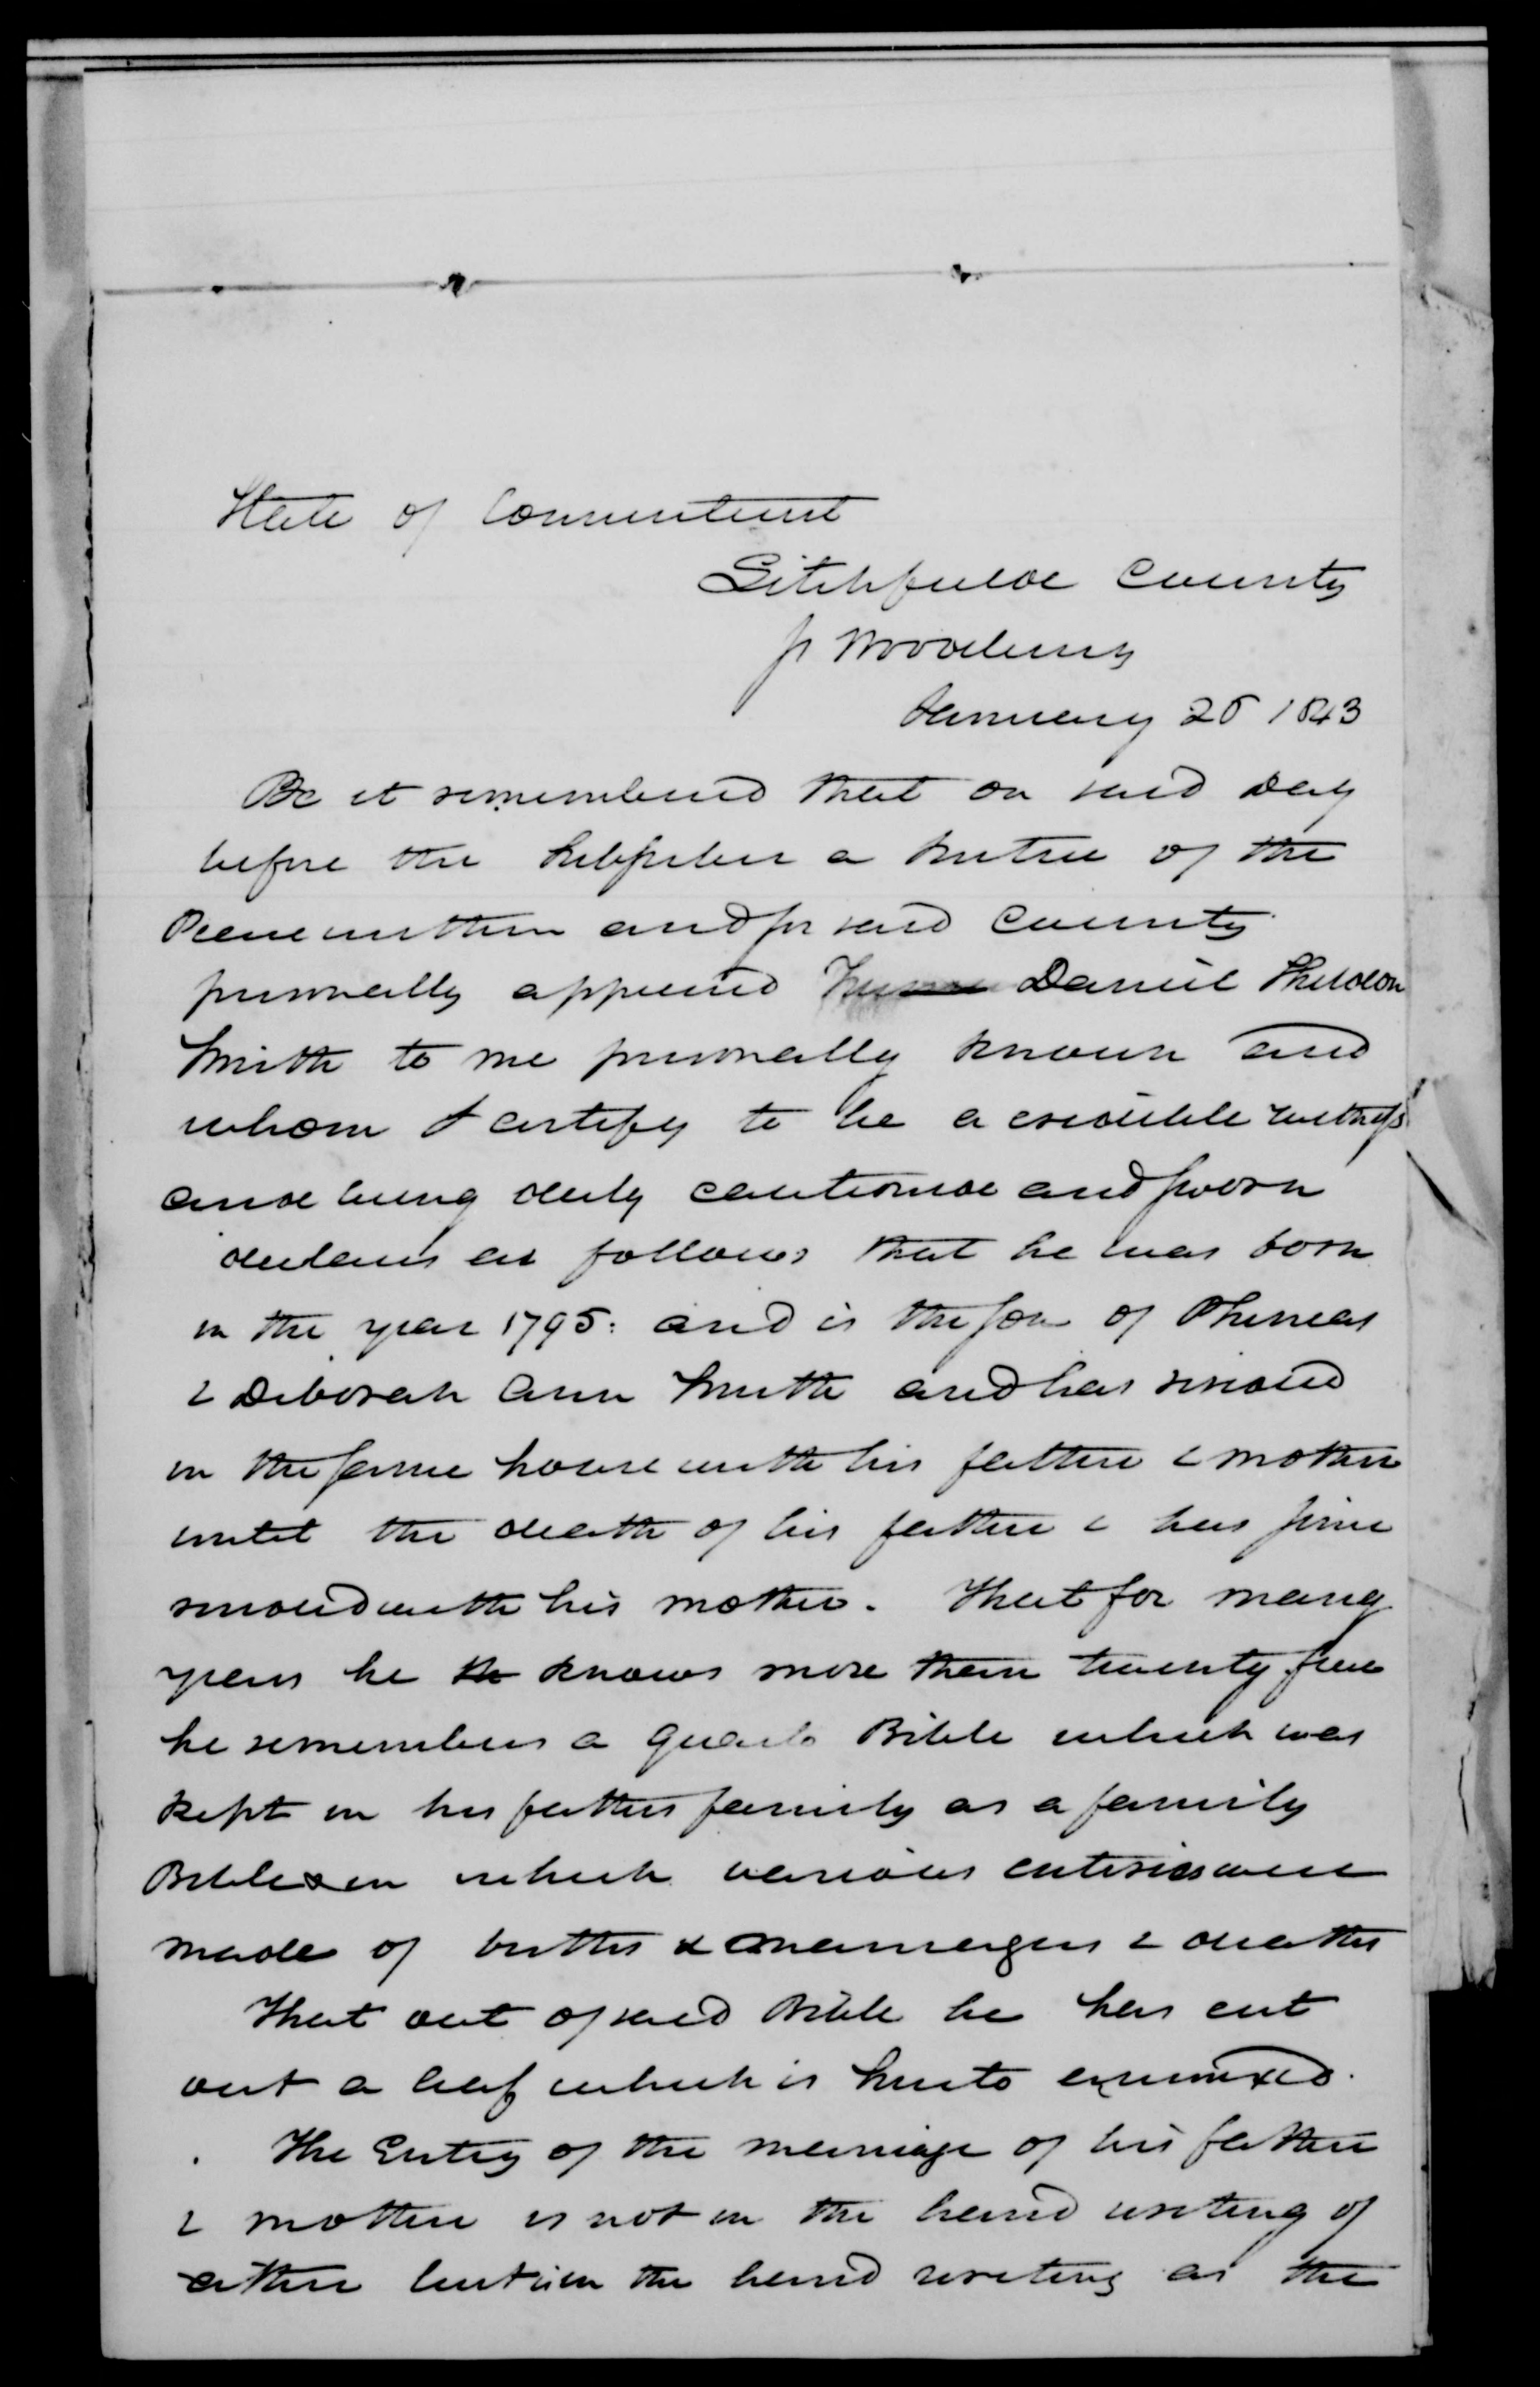State of Connecticut Litchfield County ss Woodbury 
January 26 1843 
Be it remembered that on said day before the Subscriber a Justice of the Peace within and for said County personally appeared Daniel Sheldon Smith to me personally known and whom I certify to be a credible witness and being duly cautioned and sworn declares as follows that he was born in the year 1795 and is the son of Phineas & Deborah Ann Smith and has lived in the same house with his father & mother until the death of his father & has since moved with his mother. That for many years he the knows more the twenty five he remembers a quarto Bible which was kept in his fathers family as a family Bible & in which various entries were made of births & marriages & deaths.   
That out of said Bible be has cut out a leaf which is hereto annexed.  
The entry of the marriage of his father & mother is not in the hand writing of either but in the hand writing as the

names: Daniel Sheldon Smith; Phineas Smith; Deborah Ann Smith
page: 11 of 55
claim: widow's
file: W. 11480, for Phinehas Smith, Connecticut